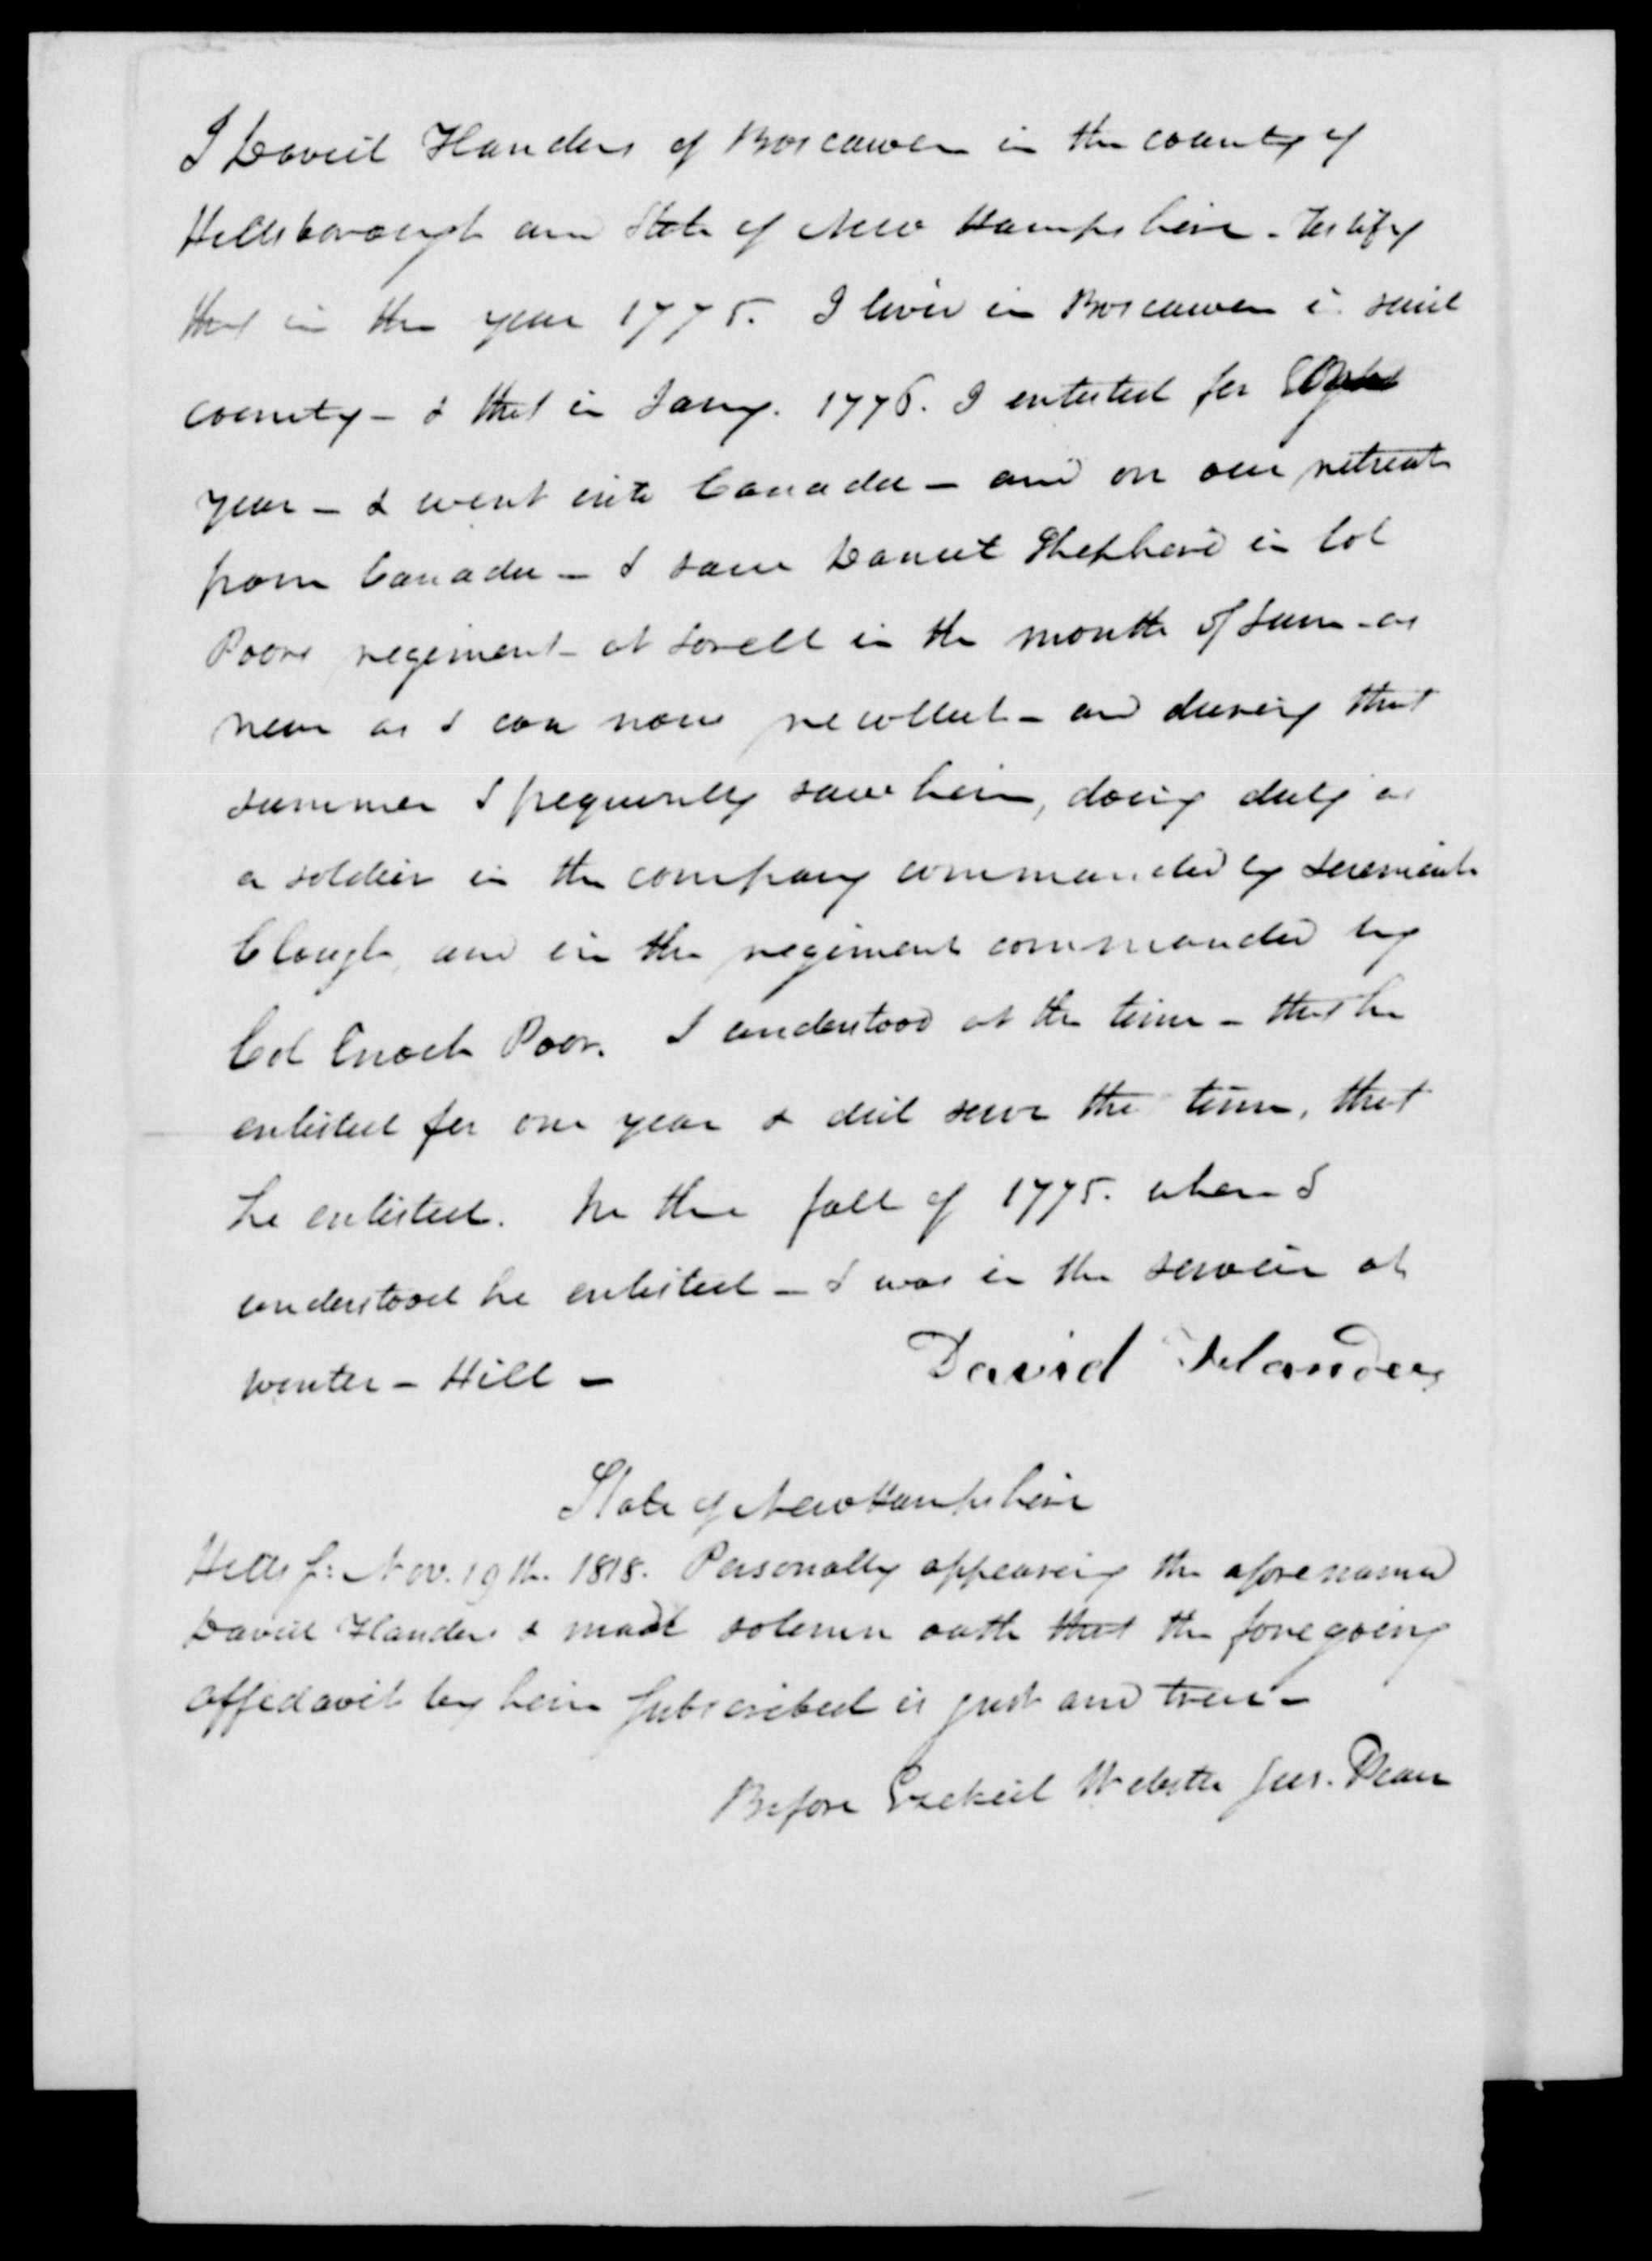David Flanders of Boscawen in the County of
HIllsborough and State of New Hampshire Testify
in the year 1775. I live in Boscawen in said
County & that in Jany 1776 I enlisted for
went into Canada and on our retreat
from Canada I saw Daniel Shepherd in Col
Poors Regiment at Lowell in the month of [illegible]
new as I can now recollect and during that
summer I frequently saw him, doing duty as a
soldier in the company commanded by Jeremiah
Clough, and in the regiment commanded by
Col Enoch Poor. I understood at the time - that he
enlisted for one year & did see the time, that
he enlisted. In the fall of 1775 when I
understood he enlisted & was in the service at
Winter Hill -
[signature] David Flanders
State of New Hampshire
Hillsborough1818. Personally appearing the aforenamed
David Flanders & made solemn oath that the foregoing
affidavit by her subscribed is just and true-
Before Ezekiel Webster Jus. Peace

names: Jeremiah Clough; Enoch Poor; Daniel Shepherd; David Flanders; David Flanders; David Flanders; Ezekiel Webster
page: 23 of 25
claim: survivor's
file: S. 43137, for Daniel Shepard, New Hampshire